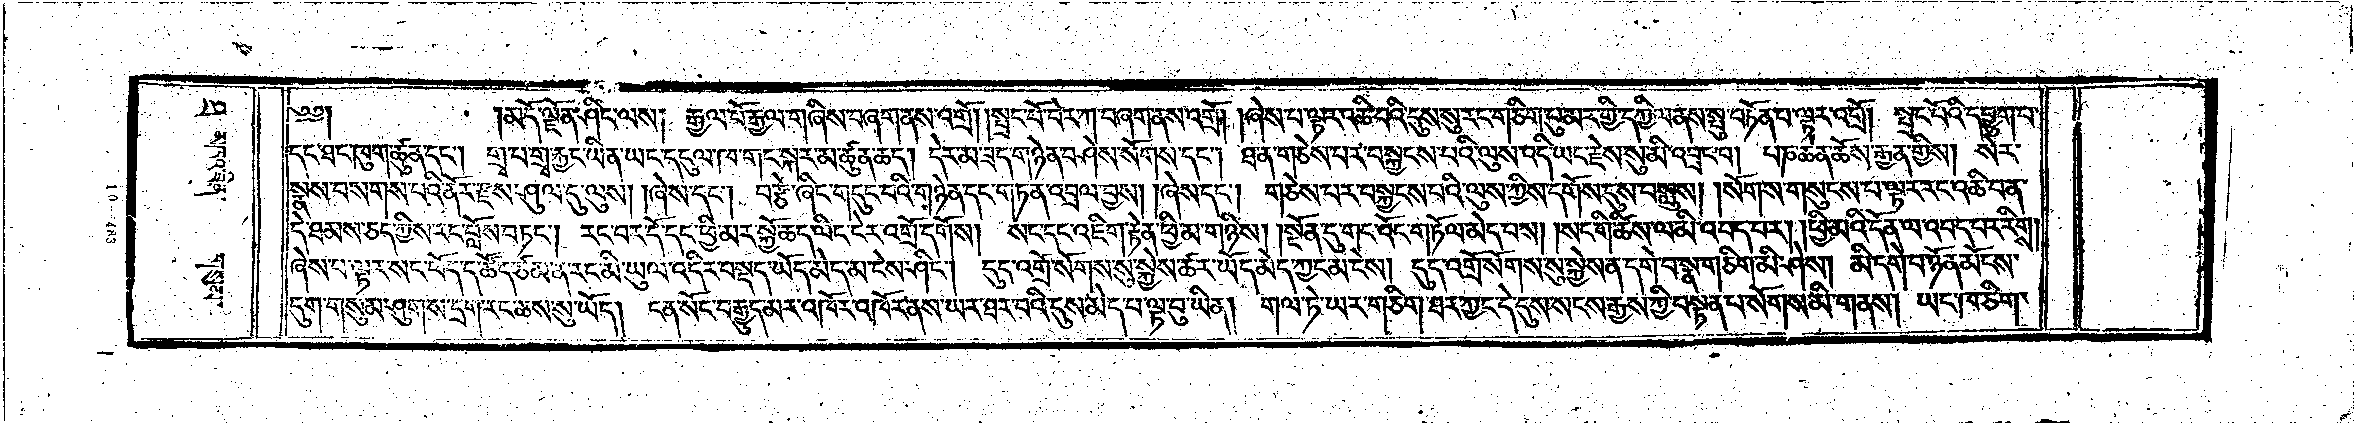༄༅། །མདོ་ལྗོན་ཤིང་ལས། རྒྱལ་པོ་རྒྱལ་གཞིས་བཞག་ནས་འགྲོ། །སྤྲང་པོ་བེར་ཀ་བཞག་ནས་འགྲོ། །ཞེས་པ་ལྟར་འཆི་བའི་དུས་སུ་རང་གཅིག་པུ་མར་གྱི་དཀྱིལ་ནས་སྤུ་བཏོན་པ་ལྟར་འགྲོ། སྤྲང་པོའི་དབྱུག་པ་
དང་ཐང་ཁུག་ཚུན་དང་། གྲྭ་པ་གྲྭ་རྐྱང་ཡིན་ཡང་དངུལ་ཁ་གང་སྐར་མ་ཚུན་ཆད། དེར་མ་ཟད་གཉེན་བཤེས་སོགས་དང་། ཐ་ན་གཅེས་པར་བསྐྱངས་པའི་ལུས་འདི་ཡང་རྗེས་སུ་མི་འབྲང་བ། པཎ་ཆེན་ཆོས་རྒྱན་གྱིས། སེར་
སྣས་བསགས་པའི་ནོར་རྫས་ཤུལ་དུ་ལུས། །ཞེས་དང་། བརྩེ་ཞིང་གདུང་བའི་གཉེན་དང་གཏན་འབྲལ་བྱས། །ཞེས་དང་། གཅེས་པར་བསྐྱངས་པའི་ལུས་ཀྱིས་དགོས་དུས་བསླུས། །སོགས་གསུངས་པ་ལྟར་རང་འཆི་བ་ན་
དེ་ཐམས་ཅད་ཀྱིས་རང་བློས་བཏང་། རང་བར་དོ་དང་ཕྱི་མར་སྐྱོ་ཆད་ལིང་དེར་འགྲོ་དགོས། སང་དང་འཇིག་རྟེན་ཕྱི་མ་གཉིས། །སྔོན་དུ་གང་འོང་གཏོལ་མེད་པས། །སང་གི་ཚིས་ལ་མི་འབད་པར། །ཕྱི་མའི་དོན་ལ་འབད་པར་རིགས།
ཞེས་པ་ལྟར་སང་ཕོད་ད་ཆོད་ཙམ་ན་རང་མི་ཡུལ་འདིར་བསྡད་ཡོད་མེད་མ་ངེས་ཤིང་། དུད་འགྲོ་སོགས་སུ་སྐྱེས་ཚར་ཡོད་མེད་ཀྱང་མ་ངེས། དུད་འགྲོ་སོགས་སུ་སྐྱེས་ན་དགེ་བ་སྣ་གཅིག་མི་ཤེས། མི་དགེ་བ་ཉོན་མོངས་
དུག་གསུམ་ཤུགས་དྲག་རང་ཆས་སུ་ཡོད། ངན་སོང་བརྒྱུད་མར་འཁོར་འཁོར་ནས་ཡར་ཐར་བའི་དུས་མེད་པ་ལྟ་བུ་ཡིན། གལ་ཏེ་ཡར་གཅིག་ཐར་ཀྱང་དེ་དུས་སངས་རྒྱས་ཀྱི་བསྟན་པ་སོགས་མི་གནས། ཡང་ཁ་ཅིག་